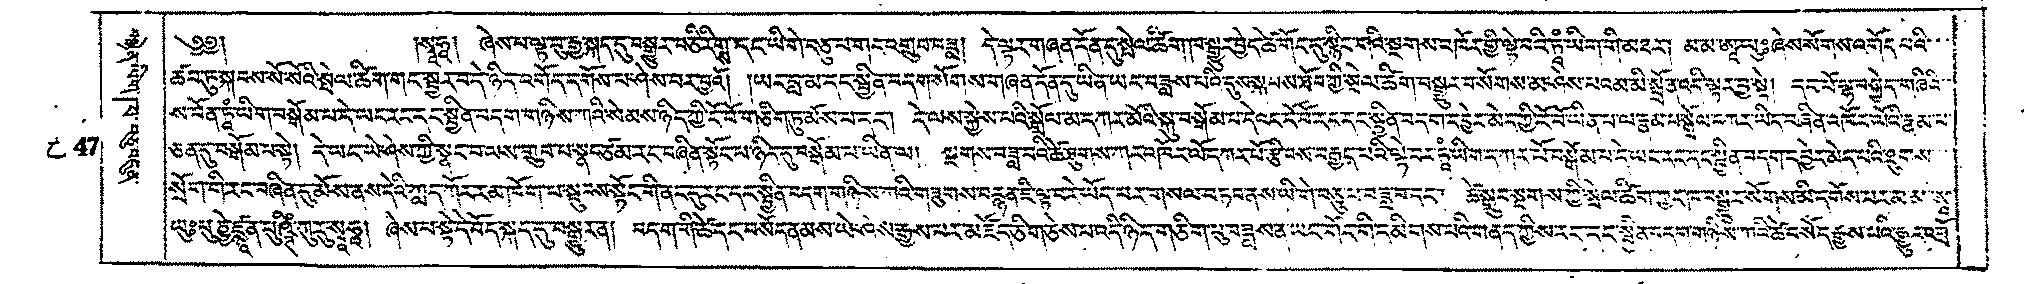༄༅། །སྭཱཧཱ། ཞེས་པ་ལྟ་བུ་རྒྱ་སྐད་དུ་བསྒྱུར་བ་ཅི་རིགས་དང་ཡི་གེ་བཅུ་པ་གང་འགྲུབ་བཟླ། དེ་ལྟར་གཞན་དོན་དུ་སྤེལ་ཚིག་ཁ་སྒྱུར་བྱེད་ཚེ་གོང་དུ་སྙིང་གའི་སྔགས་འཁོར་གྱི་ལྟེ་བའི་ཏཱཾ་ཡིག་གི་མཐར། མ་མ་ཨཱ་ཡུཿ ཞེས་སོགས་འགོད་པའི་་་
ཚབ་ཏུ་སྐབས་སོ་སོའི་སྤེལ་ཚིག་གང་སྦྱར་བ་དེ་ཉིད་འགོད་དགོས་པ་ཤེས་པར་བྱའོ། །ཡང་བླ་མ་དང་སྦྱིན་བདག་སོགས་གཞན་དོན་དུ་ཡིན་ཡང་བཟླས་པའི་དུས་སྐབས་ཐོབ་ཀྱི་སྤེལ་ཚིག་བསྒྱུར་བ་སོགས་མ་ཤེས་པའམ་མི་སྤྲོ་ན་འདི་ལྟར་བྱ་སྟེ། དང་པོ་ལྷ་བསྐྱེད་གཞིའི་་་
ས་བོན་ཏཱཾ་ཡིག་བསྒོམ་པ་དེ་ཡང་རང་དང་སྦྱིན་བདག་གཉིས་ཀའི་སེམས་ཉིད་ཀྱི་ངོ་བོ་གཅིག་ཏུ་མོས་པ་དང་། དེ་ལས་སྐྱེས་པའི་སྒྲོལ་མ་དཀར་མོའི་སྐུ་བསྒོམ་པ་དེའང་ངོ་བོ་རང་དང་སྦྱིན་བདག་དབྱེར་མེད་ཀྱི་ངོ་བོ་ཡིན་པ་ལ་རྣམ་པ་སྒྲོལ་དཀར་ཡིད་བཞིན་འཁོར་ལོའི་རྣམ་པ་
ཅན་དུ་བསྒོམ་པ་སྟེ། དེ་ཡང་ཡེ་ཤེས་ཀྱི་སྣང་བ་ལས་གྲུབ་པ་སྣང་ཙམ་རང་བཞིན་སྟོང་པ་ཉིད་དུ་བསྒོམ་པ་ཡིན་ལ། སྔགས་བཟླ་བའི་ཚེ་ཐུགས་ཀར་འཁོར་ལོ་དཀར་པོ་རྩིབས་བརྒྱད་པའི་ལྟེ་བར་ཏཱཾ་ཡིག་དཀར་པོ་བསྒོམ་པ་དེ་ཡང་རང་དང་སྦྱིན་བདག་དབྱེར་མེད་པའི་ཐུགས་་་
སྲོག་གི་རང་བཞིན་དུ་མོས་ནས་དེའི་ཀླད་ཀོར་རམ་ཁོག་པ་སྦུབས་སྟོང་གི་ནང་དུ་རང་དང་སྦྱིན་བདག་གཉིས་ཀའི་གཟུགས་བརྙན་ཇི་ལྟ་བ་རེ་ཡོད་པར་གསལ་བཏབ་ནས་ཡི་གེ་བཅུ་པ་བཟླ་བ་དང་། ཚེ་སྒྲུབ་སྔགས་ཀྱི་སྤེལ་ཚིག་ཀྱང་ཁ་བསྒྱུར་སོགས་མི་དགོས་པར་མ་མ་ཨཱ་
ཡུཿ པུཎྱེ་ཛྙཱ་ན་པུཥྚིཾ་ཀུ་རུ་སྭཱཧཱ། ཞེས་པ་སྟེ་དེ་བོད་སྐད་དུ་བསྒྱུར་ན། བདག་གི་ཚེ་དང་བསོད་ནམས་ཡེ་ཤེས་རྒྱས་པར་མཛོད་ཅིག་ཅེས་པ་འདི་ཉིད་གཅིག་པུ་བཟླས་ན་ཡང་གོང་གི་དམིགས་པའི་གནད་ཀྱིས་རང་དང་སྦྱིན་བདག་གཉིས་ཀའི་ཚེ་བསོད་རྒྱས་པའི་རྒྱུར་འགྲོ་